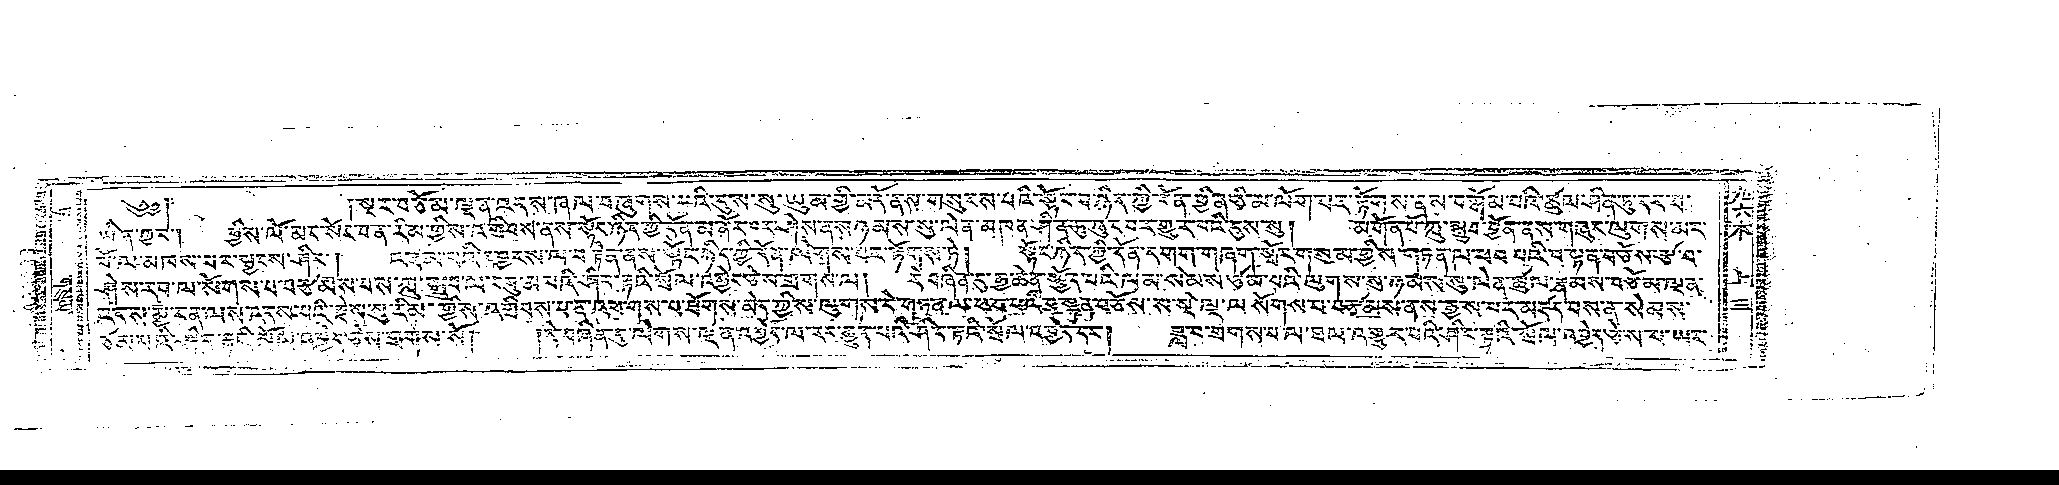༄༅། །སྔར་བཅོམ་ལྡན་འདས་ཞལ་བཞུགས་པའི་དུས་སུ་ཡུམ་གྱི་མདོ་ནས་གསུངས་པའི་སྟོང་པ་ཉིད་ཀྱི་དོན་ཕྱིན་ཅི་མ་ལོག་པར་རྟོགས་ནས་བསྒོམ་པའི་ཚུལ་ཤིན་ཏུ་དར་བ་
ཡིན་ཀྱང་། ཕྱིས་ལོ་མང་སོང་བ་ན་རིམ་གྱིས་འགྲིབས་ནས་སྟོང་ཉིད་ཀྱི་དོན་མ་ནོར་བར་ཤེས་ནས་ཉམས་སུ་ལེན་མཁན་ཤིན་ཏུ་ཉུང་བར་གྱུར་བའི་དུས་སུ། མགོན་པོ་ཀླུ་སྒྲུབ་བྱོན་ནས་གཞུད་ལུགས་མང་
པོ་ལ་མཁས་པར་སྐྱངས་ཤིང་། འཇམ་པའི་དབྱངས་ལ་བརྟེན་ནས་སྟོང་ཉིད་ཀྱི་དོན་ལེགས་པར་རྟོགས་ཏེ། སྟོད་ཉིད་ཀྱི་དོན་དགག་གཞག་སྤོང་གསུམ་གྱིས་གཏན་ལ་ཕབ་པའི་བསྟན་བཅོས་རྩ་བ་ཤེས་རབ་ལ་སོགས་པ་བརྩ་མས་པས་ཀླུ་སྒྲུབ་ལ་དབུ་མ་པའི་ཤིང་རྟའི་སྲོལ་འབྱེད་ཅེས་གྲགས་ལ། དེ་བཞིན་དུ་རྒྱ་ཆེན་སྐྱོད་པའི་ལམ་སེམས་ཙམ་པའི་ལུགས་སུ་ཉམས་སུ་ལེན་ཚུལ་རྣམས་བཅོམ་ལྡན་
འདས་མྱ་ངན་ལས་འདས་པའི་རྗེས་སུ་རིམ་གྱིས་འགྲིབས་པ་ན་འཕགས་པ་ཐོགས་མེད་ཀྱིས་ལུགས་དེ་གཏན་ལ་ཕབ་བའི་བསྟན་བཅོས་ས་སྡེ་ལྔ་ལ་སོགས་པ་བརྩམས་ནས་རྒྱས་པར་མཛད་པས་ན་སེམས་
ཙམ་པའི་ཤིང་རྟའི་སྲོལ་འབྱེད་ཅེས་གྲགས་སོ། དེ་བཞིན་དུ་ལེགས་ལྡན་འབྱེད་ལ་རང་རྒྱུད་པའི་ཤིང་རྟའི་སྲོལ་འབྱེད་དང་། ཟླ་བ་གྲགས་པ་ལ་ཐལ་འགྱུར་པའི་ཤིང་རྟའི་སྲོལ་འབྱེད་ཅེས་པ་ཡང་